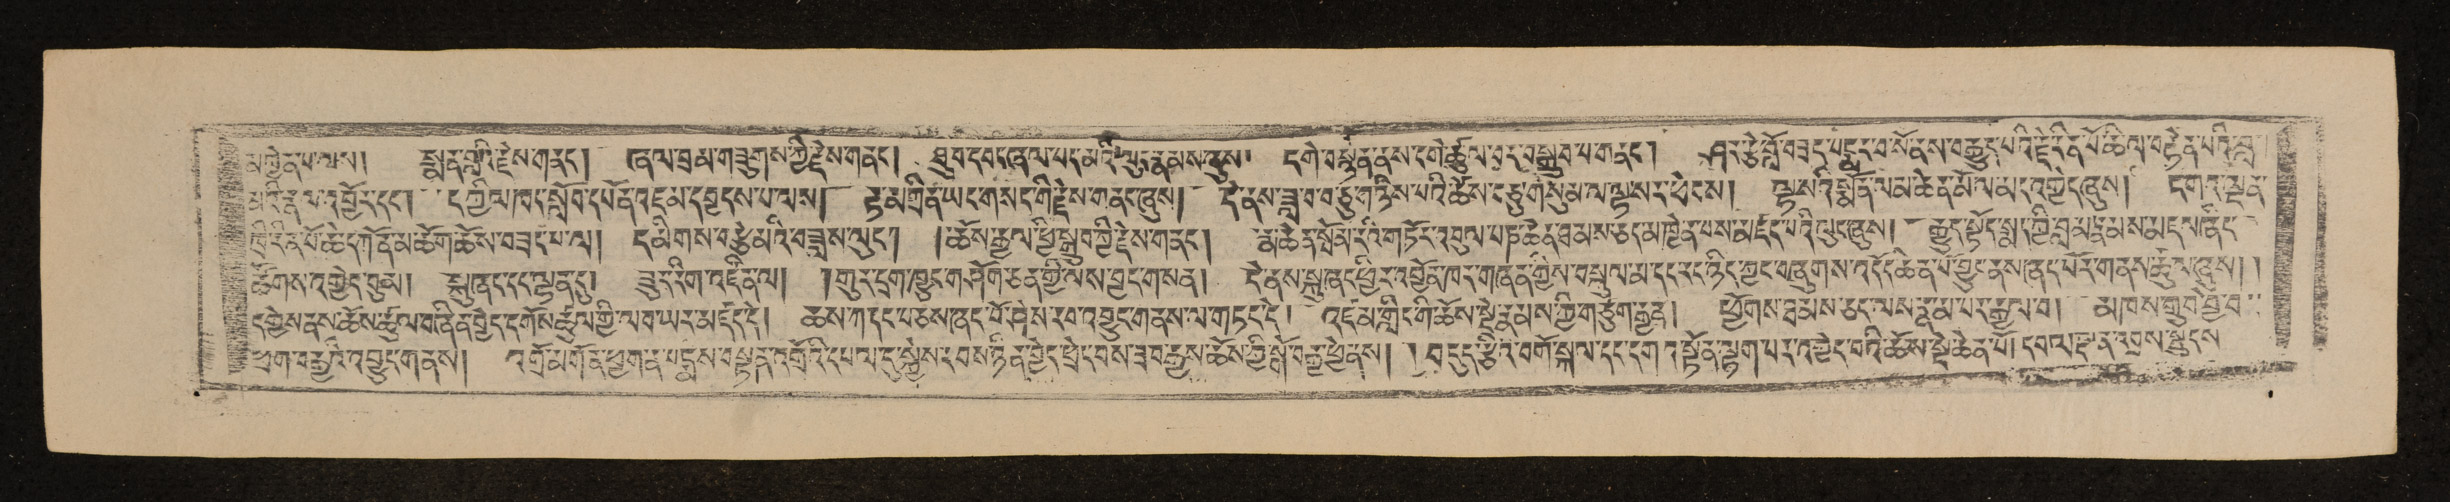མཁྱེན་པ་ལས། སྨན་བླའི་རྗེས་གནང་། ཞལ་བྲམ་གཟུགས་ཀྱི་རྗེས་གནང་། ཐུབ་དབང་ཞལ་པད་མའི་ལུང་རྣམས་ཞུས། དགེ་བསྙེན་ནས་དགེ་ཚུལ་བར་བསྒྲུབ་པ་གནང་། ཤར་རྩེ་བློ་བཟང་པདམར་བ་སོ་ནས་བརྒྱུད་པའི་རྗེ་རིན་པོ་ཆེ་ལ་བརྟེན་པའི་བླ་
མའི་རྣལ་འབྱོར་དང་། དཀྱིལ་ཁང་སློབ་དཔོན་འཇམ་དབྱངས་པ་ལས། རྟ་མགྲིན་ཡང་གསང་གི་རྗེས་གནང་ཞུས། དེ་ནས་ཟླ་བ་བཅུ་གཉིས་པའི་ཚེས་བཅུ་གསུམ་ལ་ལྷ་སར་ཕེབས། ལྷ་སའི་སྨོན་ལམ་ཆེན་མོ་ལ་མང་འགྱེད་ཞུས། དགའ་ལྡན་
ཁྲི་རིན་པོ་ཆེ་དཀོན་མཆོག་ཆོས་བཟང་པ་ལ། དམིགས་བརྩེ་མའི་བཟླས་ལུང་། ཆོས་རྒྱལ་ཕྱི་སྒྲུབ་ཀྱི་རྗེས་གནང་། རྨ་ཆེན་སྤོམ་རའི་གཏོར་འབུལ་པཎ་ཆེན་ཐམས་ཅད་མཁྱེན་པས་མཛད་པའི་ལུང་ཞུས། རྒྱུད་སྟོད་སྨད་ཀྱི་བླ་མ་རྣམས་མཇལ་ཞིང་
ཚོགས་འགྱེད་ཕུལ། སྐུ་ཞང་དང་ལྷན་དུ། ཟུར་རིག་འཛིན་ལ། གུར་དྲག་ཁྱུང་གཤོག་ཅན་གྱི་ལས་བྱང་གསན། དེ་ནས་སྐུ་ཞང་ཕྱིར་འབྱོན་ཁར་གཞན་གྱིས་བསྐུལ་མ་དང་རང་ཉིད་ཀྱང་བཞུགས་འདོད་ཆེན་པོ་བྱུང་ནས་ཞང་པོར་གནས་ཚུལ་ཞུས།
དགྱེས་ནས་ཆོས་ཚུལ་བཞིན་བྱེད་དགོས་ཚུལ་གྱི་ལབ་ཡར་མཛད་དེ། ཆས་ཀ་དང་བཅས་ཞང་པོ་ཤེས་རབ་འབྱུང་གནས་ལ་གཏད་དེ། འཛམ་གླིང་གི་ཆོས་སྡེ་རྣམས་ཀྱི་གཙུག་རྒྱན། ཕྱོགས་ཐམས་ཅད་ལས་རྣམ་པར་རྒྱལ་བ། མཁས་གྲུབ་བྱེ་བ་
ཕྲག་བརྒྱའི་འབྱུང་གནས། འགྲོ་མགོན་ཕྱག་ན་པདམས་བསྟན་འགྲོའི་དཔལ་དུ་སྐྱེས་རབས་ཉིན་བྱེད་ཕྲེང་བས་ཟབ་རྒྱས་ཆོས་ཀྱི་སྒོ་བརྒྱ་ཕྱེ་ནས། བདུད་རྩིའི་བགོ་སྐལ་དང་དགའ་སྟོན་ལྷག་པར་འགྱེད་པའི་ཆོས་སྡེ་ཆེན་པོ། དཔལ་ལྡན་འབྲས་སྤུངས་